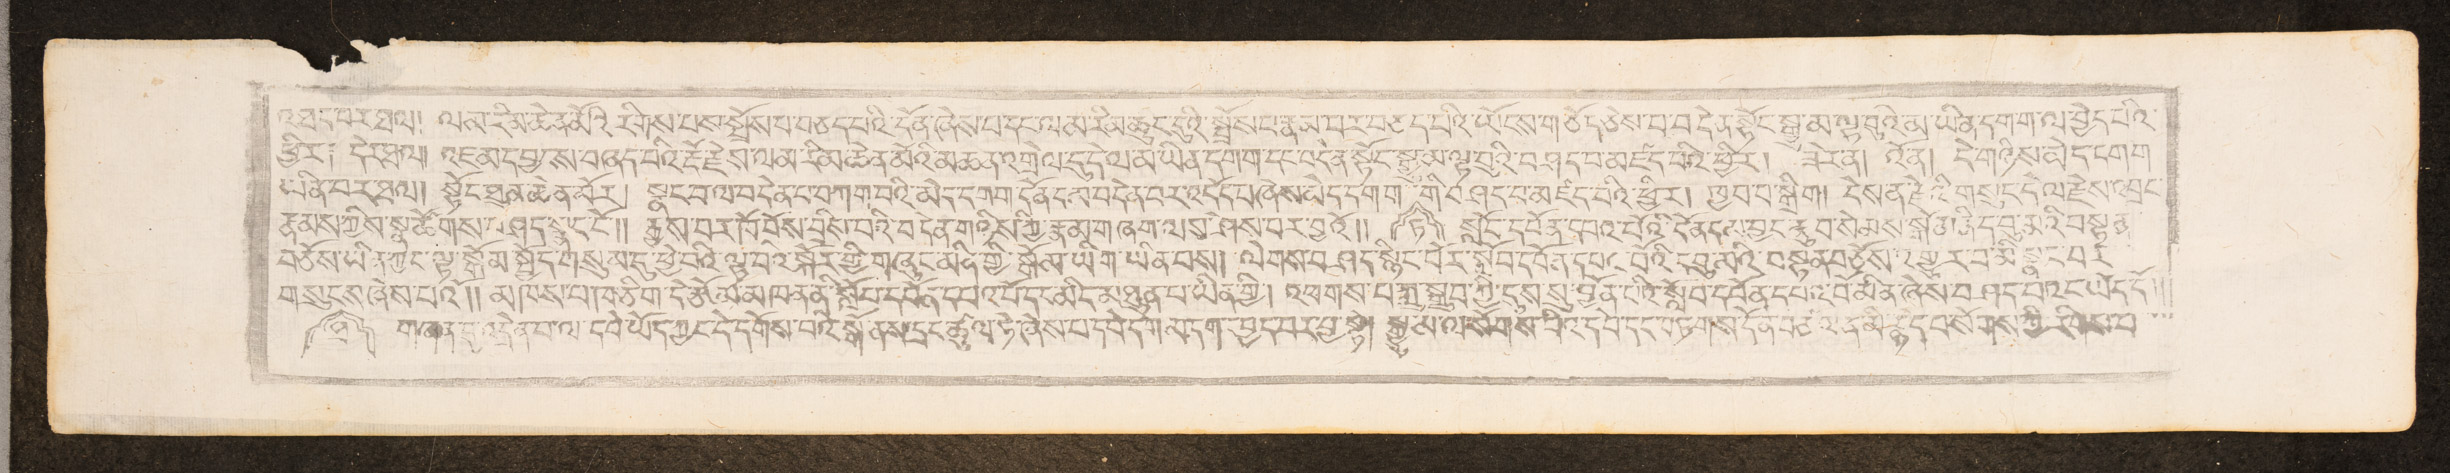འཐད་པར་ཐལ། ལམ་རིམ་ཆེན་མོའི་རིགས་པས་སྤྲོས་པ་བཅད་པའི་དོན་ཞེས་པ་དང་ལམ་རིམ་ཆུང་དུའི་སྤྲོས་པ་རྣམ་པར་བཅད་པའི་ཡོངས་གཅོད་ཅེས་པ་བདེན་སྟོང་སྒྱུ་མ་ལྟ་བུའི་མ་ཡིན་དག་ག་ལ་བྱེད་པའི་
ཕྱིར༑ དེར་ཐལ། འཇམ་དབྱངས་བཞད་པའི་རྡོ་རྗེས་ལམ་རིམ་ཆེན་མོའི་མཆན་འགྲེལ་དུ་དེ་ལ་མ་ཡིན་དགག་དང་བདེན་སྟོང་སྒྱུ་མ་ལྟ་བུའི་བཤད་པ་མཛད་པའི་ཕྱིར། ཟེར་ན། འོ་ན། དེ་གཉིས་མེད་དག་ག་
ཡིན་པར་ཐལ། སྟོང་ཐུན་ཆེན་མོར། སྣང་བ་ལ་བདེན་པ་བཀག་པའི་མེད་དགག་དོན་དམ་བདེན་པར་འདོད་པ་ཞེས་མེད་དགག་གི་བཤད་པ་མཛད་པའི་ཕྱིར། ཁྱབ་པ་སྒྲིག། དེས་ན་རྗེའི་གསུང་དེ་ལ་རྗེས་འབྲང་
རྣམས་ཀྱིས་སྣ་ཚོགས་བཤད་སྣང་ངོ།། རྒྱས་བར་ཁོ་བོས་བྲིས་པའི་བདེན་གཉིས་ཀྱི་རྣམ་གཞག་ལས་ཤེས་པར་བྱའོ།། ༼༽ཏ༼༽ སློབ་དཔོན་དཔའ་བོའི་དོན་དམ་བྱང་ཆུབ་སེམས་སྒོམ་ནི་དབུ་མའི་བསྟན་
བཅོས་ཡིན་ཀྱང་ལྟ་སྒོམ་སྤྱོད་གསུམ་དུ་ཕྱེ་བའི་ལྟ་བའི་སྐོར་གྱི་གཞུང་མིན་གྱི་སྒོམ་ཡིག་ཡིན་པས། ལེགས་བཤད་སྙིང་པོར་སློབ་དཔོན་དཔའ་བོའི་དབུ་མའི་བསྟན་བཅོས་འགྱུར་བ་མི་སྣང་བར་
གསུངས་ཞེས་པའོ།། མཁས་པ་ཁ་ཅིག་དེ་རྩོམ་མཁན་ནི་སློབ་དཔོན་དཔའ་བོ་དང་མིང་མཐུན་པ་ཡིན་གྱི། འཕགས་པ་ཀླུ་སྒྲུབ་ཀྱི་དུས་སུ་བྱོན་པའི་སློབ་དཔོན་དཔའ་བོ་མིན་ཞེས་བཤད་པའང་ཡོད་དོ།།
༼༽ཐ༼༽ གཞན་དུ་འདྲེན་པ་ལ་དཔེ་ཡོད་ཀྱང་དེ་དགོས་པའི་སྒོ་ནས་དྲང་ཚུལ་ཏེ་ཞེས་པ་དཔེ་དག་མ་དག་དཔྱད་པར་བྱ་སྟེ། སྒྱུ་མ་ལ་སོགས་པའི་དཔེ་དང་བཏགས་དོན་བཙལ་ན་མི་རྙེད་པ་སོགས་ཀྱི་རིགས་པ་